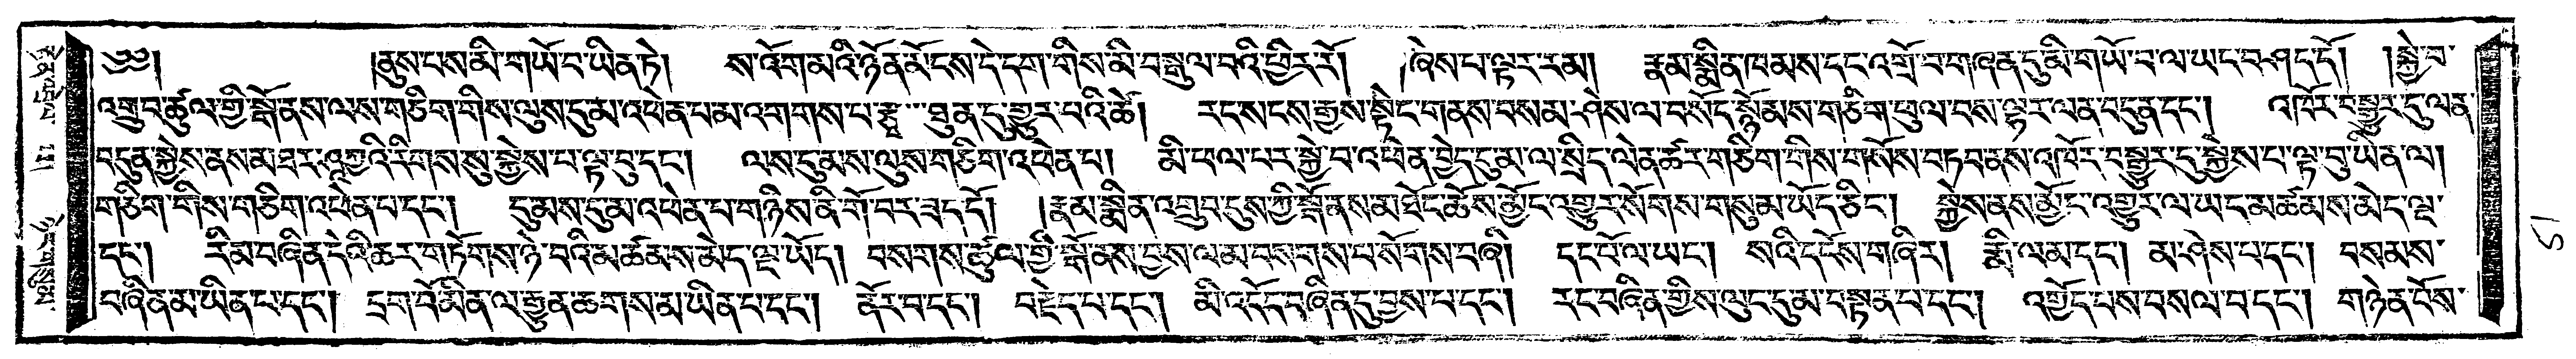༄༅། །ནུས་པས་མི་གཡོ་བ་ཡིན་ཏེ། ས་འོག་མའི་ཉོན་མོངས་དེ་དག་གིས་མི་བསྒུལ་བའི་ཕྱིར་རོ། །ཞེས་པ་ལྟར་རམ། རྣམ་སྨིན་ཁམས་དང་འགྲོ་བ་གཞན་དུ་མི་གཡོ་བ་ལ་ཡང་བཤད་དོ། །སྐྱེ་བ་
འགྲུབ་ཚུལ་གྱི་སྒོ་ནས་ལས་གཅིག་གིས་ལུས་དུ་མ་འཕེན་པ་མ་འགགས་པ་རྩྭ་ཐུན་དུ་གྱུར་པའི་ཚེ། རང་སངས་རྒྱས་སྟེང་གནས་བསམ་ཤེས་ལ་བསོད་སྙོམས་གཅིག་ཕུལ་བས་ལྟར་ལན་བདུན་དང་། འཁོར་བསྒྱུར་དུ་ལན་
བདུན་སྐྱེས་ནས་མཐར་ཤཱཀྱའི་རིགས་སུ་སྐྱེས་པ་ལྟ་བུ་དང་། ལས་དུ་མས་ལུས་གཅིག་འཕེན་པ། མི་ཕལ་པར་སྐྱེ་བ་འཕེན་བྱེད་དུ་མ་ལ་སྲིད་ལེན་ཚར་གཅིག་གིས་གསོས་བཏབ་ནས་འཁོར་བསྒྱུར་དུ་སྐྱེས་པ་ལྟ་བུ་ཡིན་ལ།
གཅིག་གིས་གཅིག་འཕེན་པ་དང་། དུ་མས་དུ་མ་འཕེན་པ་གཉིས་ནི་གོ་བར་ཟད་དོ། །རྣམ་སྨིན་འགྲུབ་དུས་ཀྱི་སྒོ་ནས་མཐོང་ཆོས་མྱོང་འགྱུར་སོགས་གསུམ་ཡོད་ཅིང་། སྐྱེས་ནས་མྱོང་འགྱུར་ལ་ཡང་མཚམས་མེད་ལྔ་
དང་། རིམ་བཞིན་དེའི་ཆར་གཏོགས་ཉེ་བའི་མཚམས་མེད་ལྔ་ཡོད། བསགས་ཚུལ་གྱི་སྒོ་ནས་བྱས་ལམ་བསགས་པ་སོགས་བཞི། དང་པོ་ལ་ཡང་། སའི་དངོས་གཞིར། རྨི་ལམ་དང་། མ་ཤེས་པ་དང་། བསམས་
བཞིན་མ་ཡིན་པ་དང་། དྲག་པོ་མིན་ལ་རྒྱུན་ཆགས་མ་ཡིན་པ་དང་། ནོར་བ་དང་། བརྗེད་པ་དང་། མི་འདོད་བཞིན་དུ་བྱས་པ་དང་། རང་བཞིན་གྱིས་ལུང་དུ་མ་བསྟན་པ་དང་། འགྱོད་པས་བསལ་བ་དང་། གཉེན་པོས་